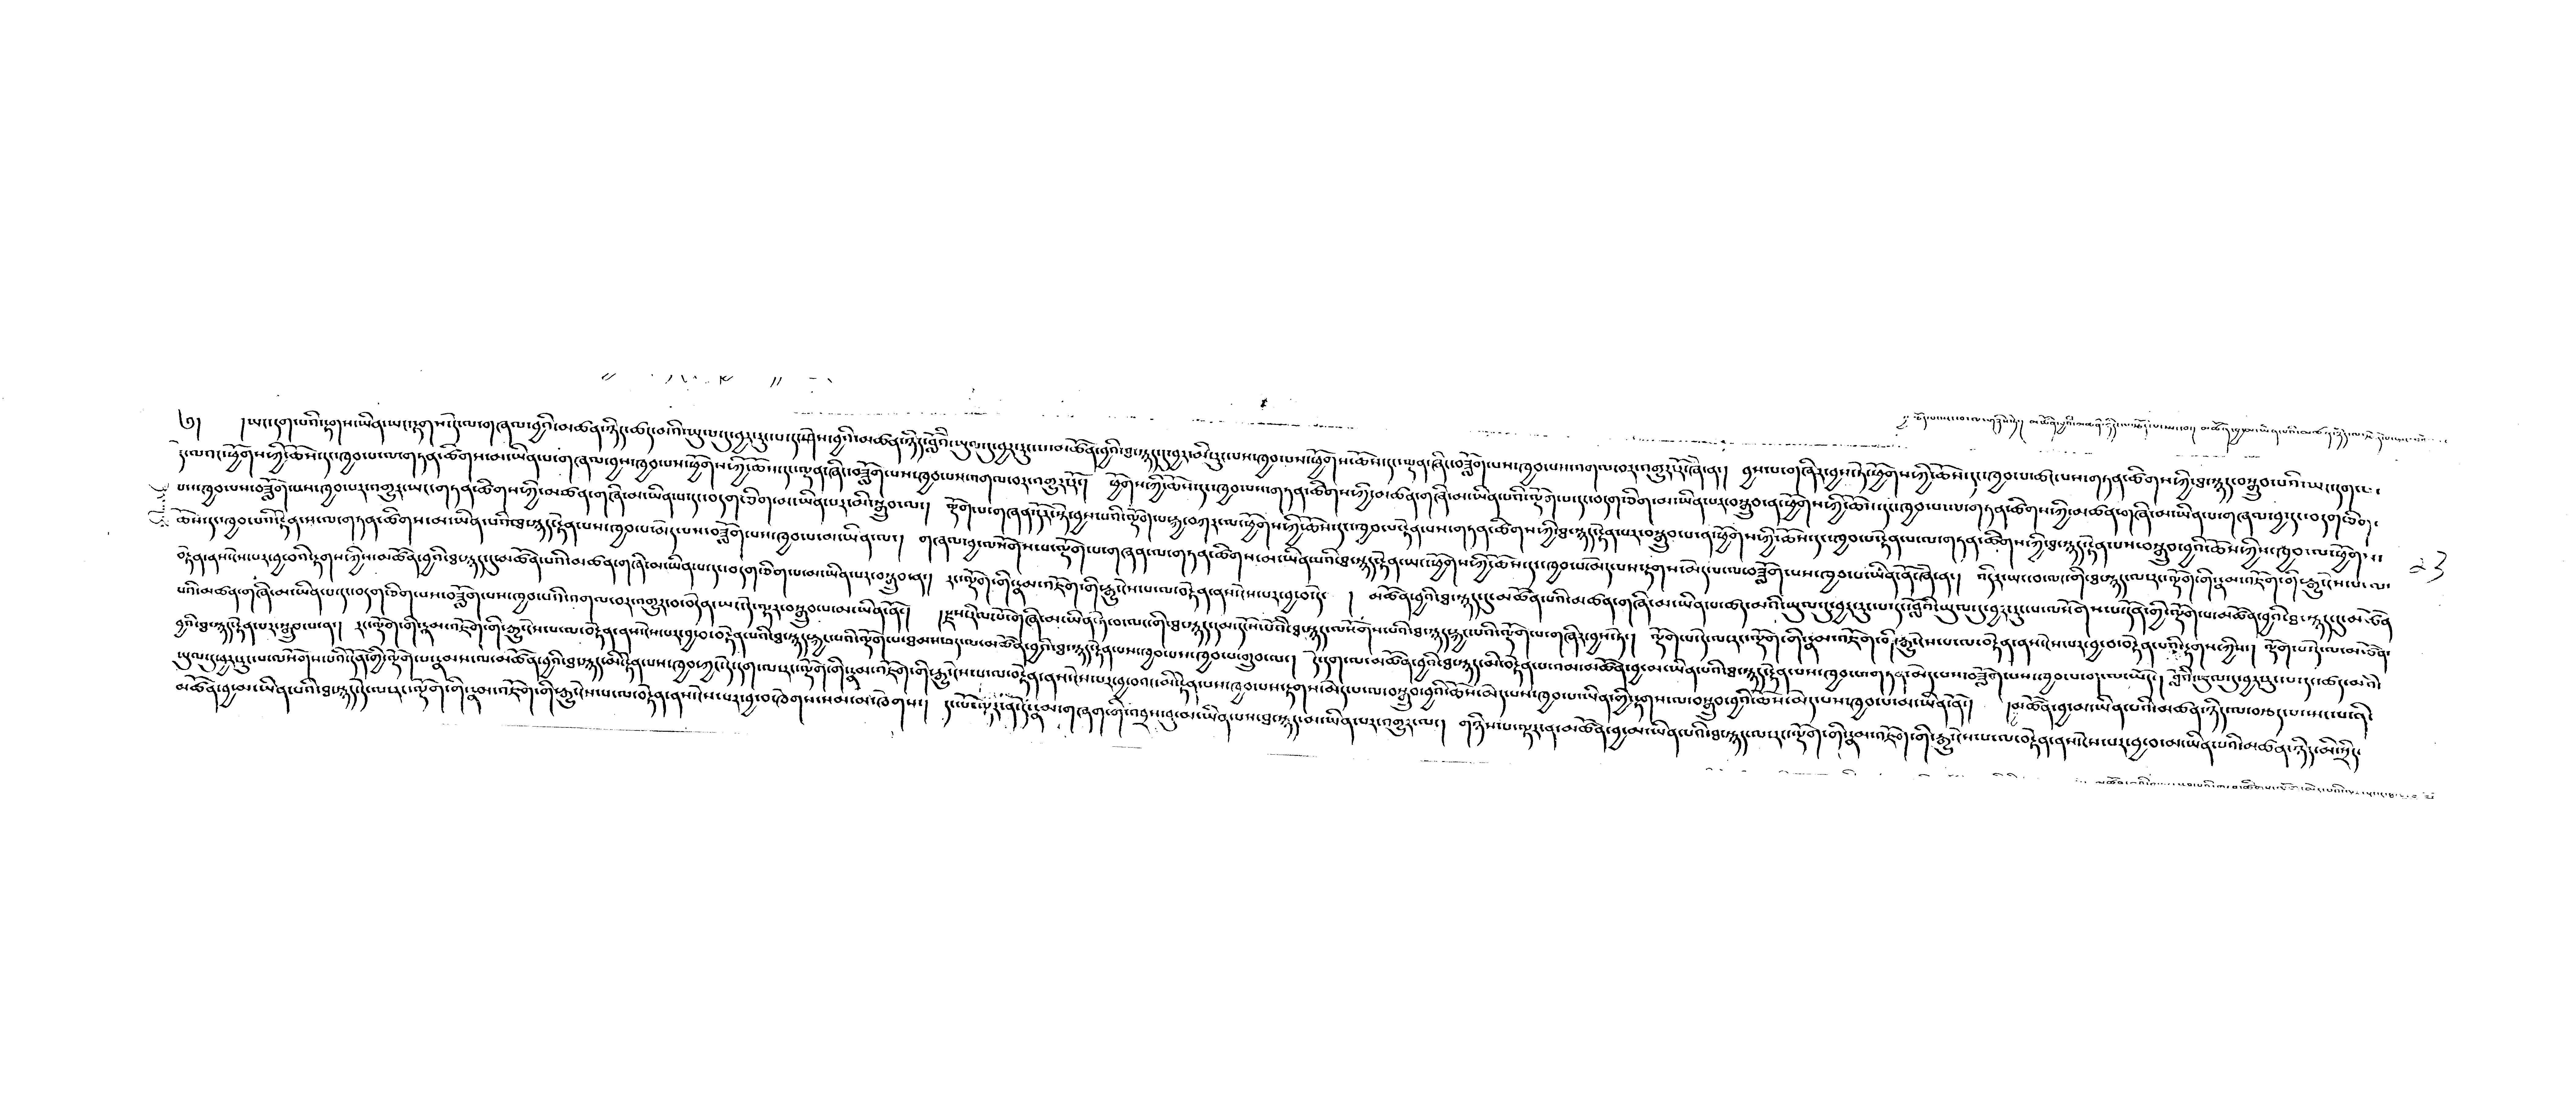༈། །ཡང་དག་པའི་རྟགས་ཡིན་ཡང་རྟགས་དེ་ལ་གཞལ་བྱའི་མཚན་ཉིད་ཚད་མའི་ཡུལ་དུ་བྱར་རུང་པ་དང་ཤེས་བྱའི་མཚན་ཉིད་བློའི་ཡུལ་དུ་བྱར་རུང་པ་མཚོན་བྱའི་ཐ་སྙད་དུ་བྱར་མི་རུང་པས་ཁྱབ་པས་ཕྱོགས་ཆོས་དང་ལྡན་ཞིང་བཟློག་པས་ཁྱབ་པས་འགལ་བར་འགྱུར་རོ་ཞེ་ན། བྱས་པ་གཞིར་བྱས་ཏེ་ཕྱོགས་ཀྱི་ཆོས་དང་ཁྱབ་པ་ཚང་པས་གཏན་ཚིགས་ཀྱི་ཐ་སྙད་བསྒྲུབ་པའི་ཡང་དག་པ་
དེ་ལའང་ཕྱོགས་ཀྱི་ཆོས་དང་ཁྱབ་པ་ལ་གཏན་ཚིགས་མ་ཡིན་པ་གཞལ་བྱས་ཁྱབ་པས་ཕྱོགས་ཀྱི་ཆོས་དང་ལྡན་ཞིང་བཟློག་པ་ཁྱབ་པ་འགལ་བར་འགྱུར་རོ། ཕྱོགས་ཀྱི་ཆོས་དང་ཁྱབ་པས་གཏན་ཚིགས་ཀྱི་མཚན་གཞི་མ་ཡིན་པའི་ལྡོག་པ་དང་བག་ཅིག་མ་ཡིན་པར་བསྒྲུབ་ན་ཕྱོགས་ཀྱི་ཆོས་དང་ཁྱབ་པ་ལ་གཏན་ཚིགས་ཀྱི་མཚན་གཞི་མ་ཡིན་པ་གཞལ་བྱ་དང་བདག་ཅིག་
པས་ཁྱབ་པས་བཟློག་པས་ཁྱབ་པར་འགྱུར་ཡང་གཏན་ཚིགས་ཀྱི་མཚན་གཞི་མ་ཡིན་པ་དང་བདག་ཅིག་མ་ཡིན་པར་མི་སྒྲུབ་ལ། ལྡོག་པ་གཞན་དོར་ཏེ་བྱས་པའི་ལྡོག་པ་རྐྱ་བཀར་ལ་ཕྱོགས་ཀྱི་ཆོས་དང་ཁྱབ་པ་རྟེན་པས་གཏན་ཚིགས་ཀྱི་ཐ་སྙད་རྟེན་པར་བསྒྲུབ་པ་ན་ཕྱོགས་ཀྱི་ཆོས་དང་ཁྱབ་པ་རྟེན་པ་ལ་གཏན་ཚིགས་ཀྱི་ཐ་སྙད་རྟེན་པས་བསྒྲུབ་བྱའི་ཆོས་ཀྱིས་ཁྱབ་ལ་ཕྱོགས་
ཆོས་དང་ཁྱབ་པའི་རྟེན་ས་ལ་གཏན་ཚིགས་མ་ཡིན་པའི་ཐ་སྙད་རྟེན་པས་ཁྱབ་པ་མེད་པས་བཟློག་པས་ཁྱབ་པ་མ་ཡིན་ལ། གཞལ་བྱ་ལ་སོགས་པ་ལྡོག་པ་གཞན་ལ་གཏན་ཚིགས་མ་ཡིན་པའི་ཐ་སྙད་རྟེན་ཡང་ཕྱོགས་ཀྱི་ཆོས་དང་ཁྱབ་པ་མེད་པས་རྟགས་མེད་པ་ལ་བཟློག་པས་ཁྱབ་པ་ཡིན་ནོ་ཞེ་ན། འདིར་ཡང་བ་ལང་གི་ཐ་སྙད་ལ་རང་ལྡོག་གི་རྣམ་འཇོག་གི་རྒྱུ་ངེས་པ་ལ་
བརྟེན་ནས་ངེས་པར་བྱ་བའི་རྟགས་ཀྱིས་མཚོན་བྱའི་ཐ་སྙད་དུ་མཚོན་པའི་མཚན་གཞི་མ་ཡིན་པ་དང་བདག་ཅིག་པ་མ་ཡིན་པར་བསྒྲུབ་ན། རང་ལྡོག་གི་རྣམ་འཇོག་གི་རྒྱུ་ངེས་པ་ལ་བརྟེན་ནས་ངེས་པར་བྱ་བ་དེ། མཚོན་བྱའི་ཐ་སྙད་དུ་མཚོན་པའི་མཚན་གཞི་མ་ཡིན་པ་ཚད་མའི་ཡུལ་དུ་བྱར་རུང་པ་དང་བློའི་ཡུལ་དུ་བྱར་རུང་པ་ལ་སོགས་པ་དོན་གྱི་ལྡོག་པ་མཚོན་བྱའི་ཐ་སྙད་དུ་མཚོན་
པའི་མཚན་གཞི་མ་ཡིན་པ་དང་བདག་ཅིག་པ་བཟློག་པས་ཁྱབ་པའི་འགལ་བར་འགྱུར་བ་བདེན་ཡང་དེ་ལྟར་བསྒྲུབ་པ་མ་ཡིན་ནོ། །རྫས་རིལ་པོ་གཞི་མ་ཡིན་ཏེ་བ་ལང་གི་ཐ་སྙད་དམ་དངོས་པོའི་ཐ་སྙད་ལ་སོགས་པའི་ཐ་སྙད་རྐྱང་པའི་ལྡོག་པ་གཞིར་བྱས་ཏེ། ལྡོག་པ་དེ་ལ་རང་ལྡོག་གི་རྣམ་འཇོག་གི་རྒྱུ་ངེས་པ་ལ་བརྟེན་ནས་ངེས་པར་བྱ་བ་བརྟེན་པའི་རྟགས་ཀྱིས། ལྡོག་པ་དེ་ལ་མཚོན་
བྱའི་ཐ་སྙད་རྟེན་པར་སྒྲུབ་པ་ན། རང་ལྡོག་གི་རྣམ་འཇོག་གི་རྒྱུ་ངེས་པ་ལ་བརྟེན་ནས་ངེས་པར་བྱ་བ་བརྟེན་པའི་ཐ་སྙད་རྐྱང་པའི་ལྡོག་པ་ཐམས་ཅད་ལ་མཚོན་བྱའི་ཐ་སྙད་རྟེན་པས་ཁྱབ་པས་ཁྱབ་པ་གྲུབ་ལ། དེ་དག་ལ་མཚོན་བྱའི་ཐ་སྙད་མི་བརྟེན་པ་འམ་མཚོན་བྱ་མ་ཡིན་པའི་ཐ་སྙད་རྟེན་པས་ཁྱབ་པ་གཏན་མེད་པས་བཟློག་པས་ཁྱབ་པ་ག་ལ་ཡོད། བློའི་ཡུལ་དུ་བྱར་རུང་པ་དང་ཚད་མའི་
ཡུལ་དུ་བྱར་རུང་པ་ལ་སོགས་པའི་དོན་གྱི་ལྡོག་པ་རྣམས་ལ་མཚོན་བྱའི་ཐ་སྙད་མི་རྟེན་པས་ཁྱབ་ཀྱང་དེ་དག་ལ་རང་ལྡོག་གི་རྣམ་འཇོག་གི་རྒྱུ་ངེས་པ་ལ་བརྟེན་ནས་ངེས་པར་བྱ་བའང་མི་རྟེན་པས་ཁྱབ་པས་རྟགས་མེད་པ་ལ་བསྒྲུབ་བྱའི་ཆོས་མེད་པས་ཁྱབ་པ་ཡིན་གྱི་རྟགས་ལ་བསྒྲུབ་བྱའི་ཆོས་མེད་པ་ཁྱབ་པ་མ་ཡིན་ནོ། །མཚོན་བྱ་མ་ཡིན་པའི་མཚན་ཉིད་ལ་བརྩད་པ་སྤང་པ་ནི་
མཚོན་བྱ་མ་ཡིན་པའི་ཐ་སྙད་དེ་ལ་རང་ལྡོག་གི་རྣམ་འཇོག་གི་རྒྱུ་ངེས་པ་བརྟེན་ནས་ངེས་པར་བྱ་བ་ཁེགས་སམ་མ་ཁེགས། དང་པོ་ལྟར་ན་དེ་རྣམ་གཞག་གི་འབྲས་བུ་མ་ཡིན་པས་ཐ་སྙད་མ་ཡིན་པར་འགྱུར་ལ། གཉིས་པ་ལྟར་ན་མཚོན་བྱ་མ་ཡིན་པའི་ཐ་སྙད་ལ་རང་ལྡོག་གི་རྣམ་འཇོག་གི་རྒྱུ་ངེས་པ་ལ་བརྟེན་ནས་ངེས་པར་བྱ་བ་མ་ཡིན་པའི་མཚན་ཉིད་མི་སྲིད་